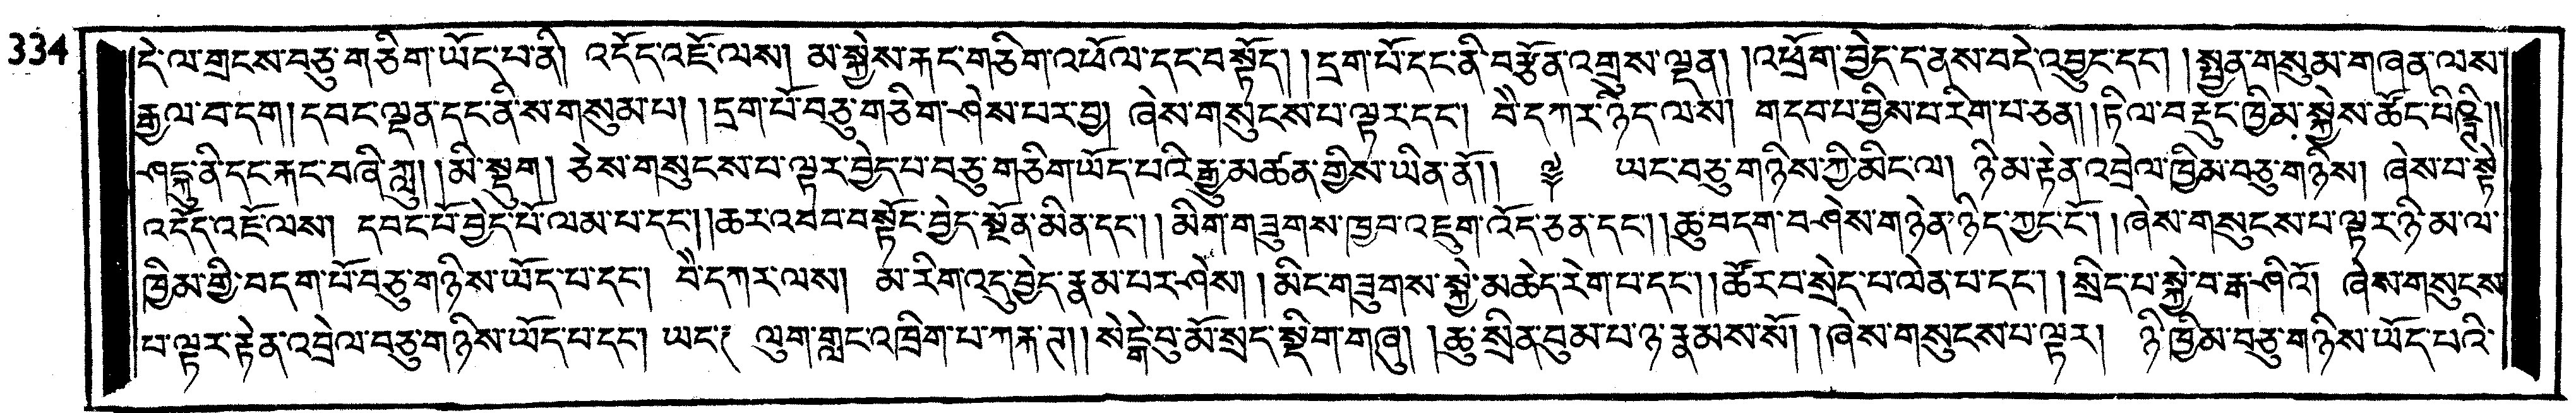དེ་ལ་གྲངས་བཅུ་གཅིག་ཡོད་པ་ནི། འདོད་འཇོ་ལས། མ་སྐྱེས་རྐང་གཅིག་འཕོལ་དང་བསྟོད། །དྲག་པོ་དང་ནི་བརྩོན་འགྲུས་ལྡན། །འཕྲོག་བྱེད་ད་ནས་བདེ་འབྱུང་དང་། །སྤྱན་གསུམ་གཞན་ལས་
རྒྱལ་བདག། དབང་ལྡན་དང་ནི་ས་གསུམ་པ། །དྲག་པོ་བཅུ་གཅིག་ཤེས་པར་བྱ། ཞེས་གསུངས་པ་ལྟར་དང་། བཻ་དཀར་ཉིད་ལས། གདབ་པ་བྱིས་པ་རིག་པ་ཅན། །ཏི་ལ་བརྡུང་ཁྱིམ་སྐྱེས་ཚོང་པིཥྚི།།
ཤངྐུ་ནི་དང་རྐང་བཞི་ཀླུ། །མི་སྡུག །ཅེས་གསུངས་པ་ལྟར་བྱེད་པ་བཅུ་གཅིག་ཡོད་པའི་རྒྱུ་མཚན་གྱིས་ཡིན་ནོ།། འ་ཡང་བཅུ་གཉིས་ཀྱི་མིང་ལ། ཉི་མ་རྟེན་འབྲེལ་ཁྱིམ་བཅུ་གཉིས། ཞེས་པ་སྟེ་
འདོད་འཇོ་ལས། དབང་པོ་བྱེད་པོ་ལམ་པ་དང་། །ཆར་འབབ་བསྟོང་བྱེད་སྔོན་མིན་དང་། །མིག་གཟུགས་ཁྱབ་འཇུག་འོད་ཅན་དང་། །ཆུ་བདག་བཤེས་གཉེན་ཉིད་ཀྱང་ངོ། །ཞེས་གསུངས་པ་ལྟར་ཉི་མ་ལ་
ཁྱིམ་གྱི་བདག་པོ་བཅུ་གཉིས་ཡོད་པ་དང་། བཻ་དཀར་ལས། མ་རིག་འདུ་བྱེད་རྣམ་པར་ཤེས། །མིང་གཟུགས་སྐྱེ་མཆེད་རེག་པ་དང་། །ཚོར་བ་སྲེད་པ་ལེན་པ་དང་། །སྲིད་པ་སྐྱེ་བ་རྒ་ཤིའོ། ཞེས་གསུངས་
པ་ལྟར་རྟེན་འབྲེལ་བཅུ་གཉིས་ཡོད་པ་དང་། ཡང༑ ལུག་གླང་འཁྲིག་པ་ཀརྐ་ཊ།། སེངྒེ་བུ་མོ་སྲད་སྡིག་གཞུ། །ཆུ་སྲིན་བུམ་པ་ཉ་རྣམས་སོ། །ཞེས་གསུངས་པ་ལྟར། ཉི་ཁྱིམ་བཅུ་གཉིས་ཡོད་པའི་